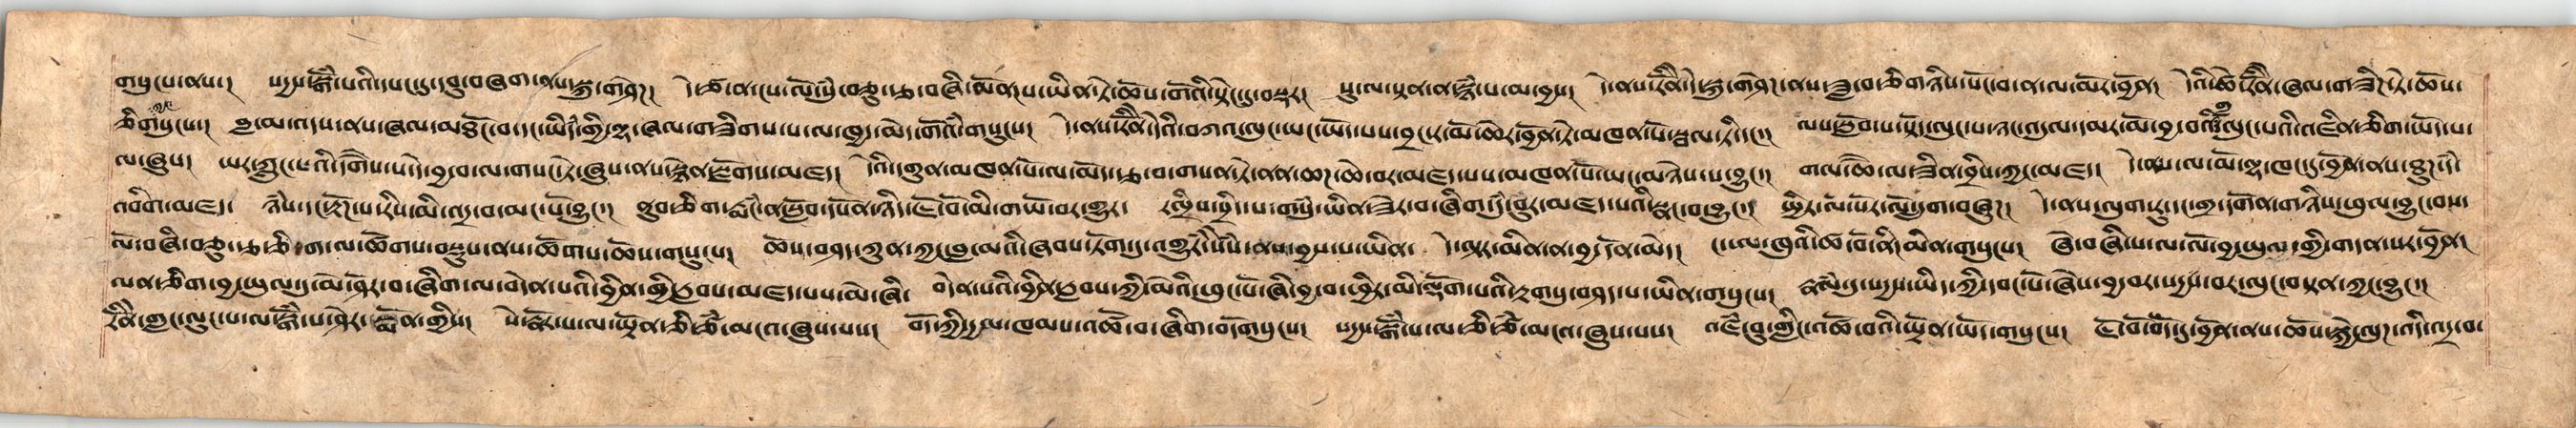གསུངས་ནས་། སདྱས་སྒོཾ་པའི་དཔང་དུ་དབུ་བཞག་ནས་སྐུ་གཤེཌ། དེ་ཙ་ན་ངས་ལོ་སུཾ་བཅུ་རྩ་བཞི་མོནཌས་ཡིན་ཏེ་ཆོས་གོའི་སྟེང་དུ་བསྡར། སུ་ལ་སྟན་ན་སྙཾ་པ་མ་བྱས། དེ་ནས་རིནོེ་དེ་སྐུ་གཤེཌ་ནས་ཟླ་བ་ཅིགཉིས་སོང་བ་ན་ལ་མོར་བྱོན། དེའི་ཚེ་རིནོེ་ཞལ་གཟིཌ་ཏེ་ཆོས་
ཅིག་ཀྱང་གསུངས། བླ་མ་འདས་ནས་ཞལ་མཐོང་བ་དང་ཡིདཾ་གྱི་ལྷ་ཞལ་གཟིགས་པ་ལ་ཁྱད་མེད་གོའཾ་གསུངས། དེ་ནས་རོིནོ་དེའི་བཀའ་ལུང་ཡང་ཡོད་པས་བྲང་ར་མོ་ཆེར་བྱོན་ཏེ་མཁན་པོ་སྦལ་ཏི་དང་། ལས་སློབ་པ་སྟོད་ལུང་པ་ཉང་འདུལ་དམར་མོ་བྱ་བའི་ལུང་པའི་འཛིན་ཅིག་ཡོད་པ་
ལ་ཞུས།། ཡར་ཀླུང་པའི་དགཻས་པ་དེ་བྱ་བ་ལ་གསང་ཏེ་ཞུས་ནས་སྙེན་སྫོགས་མཛད། དེའི་དགུན་མཁན་པོ་ལ་མདོ་རྩ་བ་གསན་ཏེ་ནན་ཆཌ་ཆེ་བར་མཛད་པས་མཁན་པོ་ཡང་མཉེས་པ་བྱུང་། གལ་ཆཻ་ལ་ཟིན་བྲིས་ཀྱང་མཛད། དེ་ནས་ལ་མོ་ལྷ་ཁང་དུ་བྱོན་ནས་ཐུཌ་དཾ་
འབིག་མཛད་ ཉཾས་དང་རྟོཌ་པ་རིས་མི་འདྲ་བ་མང་པོ་བྱུང་། ནུབ་ཅིག་རྨཾང་ན་སློབ་དཔོན་ཉིད་ཇོ་བོ་མི་གཡོ་བར་གྱུར་ རལྱིས་སྲིད་པ་གསུཾ་ཡིན་ཟེར་བ་ཞིག་དུཾ་བུར་མཛད་པའི་སྣང་བ་བྱུང་། སྤྱིར་ལོ་པོར་ལོ་དྲུག་བཞུཌ། དེ་ནས་ལུག་རུ་དང་གྲ་དགོན་གཉིས་ཕུལ་བྱུང་བས་
ལོ་བཞི་བཅུ་རྩ་ཅིག་ལ་ཚོགས་བསྡུས་ནས་ཚོགས་ཆོས་གསུངས། ཆོས་བཤད་ཀུན་ཀྱང་བླ་མའི་ཞབས་ཏོག་དུ་འགྱུརཾ་སེཾས་ནས་བྱས་པ་ཡིན་ དེ་ལྟར་མིན་ན་བྱ་དོན་མེད། ང་ལ་ཁུའི་ཚ་བོ་ནི་མིན་གསུངས། ཞེ་བཞི་པ་ལ་ལོ་བྱ་ཡུལ་གྱི་གདན་སར་བྱོན།
ལན་ཅིག་བྱ་ཡུལ་དུ་མེ་ཤོར་བ་ཞིག་ལ་བདེན་པའི་བྱིན་གྱི་རླབས་མཛད་པས་མེ་ཞི་ བདེན་པའི་བྱིན་རླབས་ཀྱི་མེའི་ཕུང་པོ་ཞི་བྱ་བ་ཕྱིར་མི་ལྡོག་པའི་རྟགསུ་བཤད་པ་ཡིན་གསུངས། རྣཾལ་དུ་སདྱས་ཡིད་ཀྱི་དབང་པོ་ཞེས་བྱ་བར་སདྱས་བར་ལུང་བསྟན་ཀྱང་བྱུང་།
རིནོེ་གླང་ལུང་པ་ལ་སྒོཾ་པ་ཤེར་སྨོན་གྱིས། སེ་རྣོར་པ་ལ་ཡྟོན་ཅོ་ཙཾ་མངའ་ཞུས་པས། བོད་ཀྱི་དྱལ་ཁམས་འཚོ་བ་ཞིག་བདོགསུངས། སདྱས་སྒོཾ་པ་ལ་ཅི་ཙཾ་མངའ་ཞུས་པས། འཛཾ་བུ་གླིང་འཚོ་བའི་ཡྟོན་ཡོད་གསུངས། ཇོ་བོ་བོད་དུ་བྱོན་ནས་ཆོས་སྐྱེ་ལུཌ་འདི་འདྲ་བ་